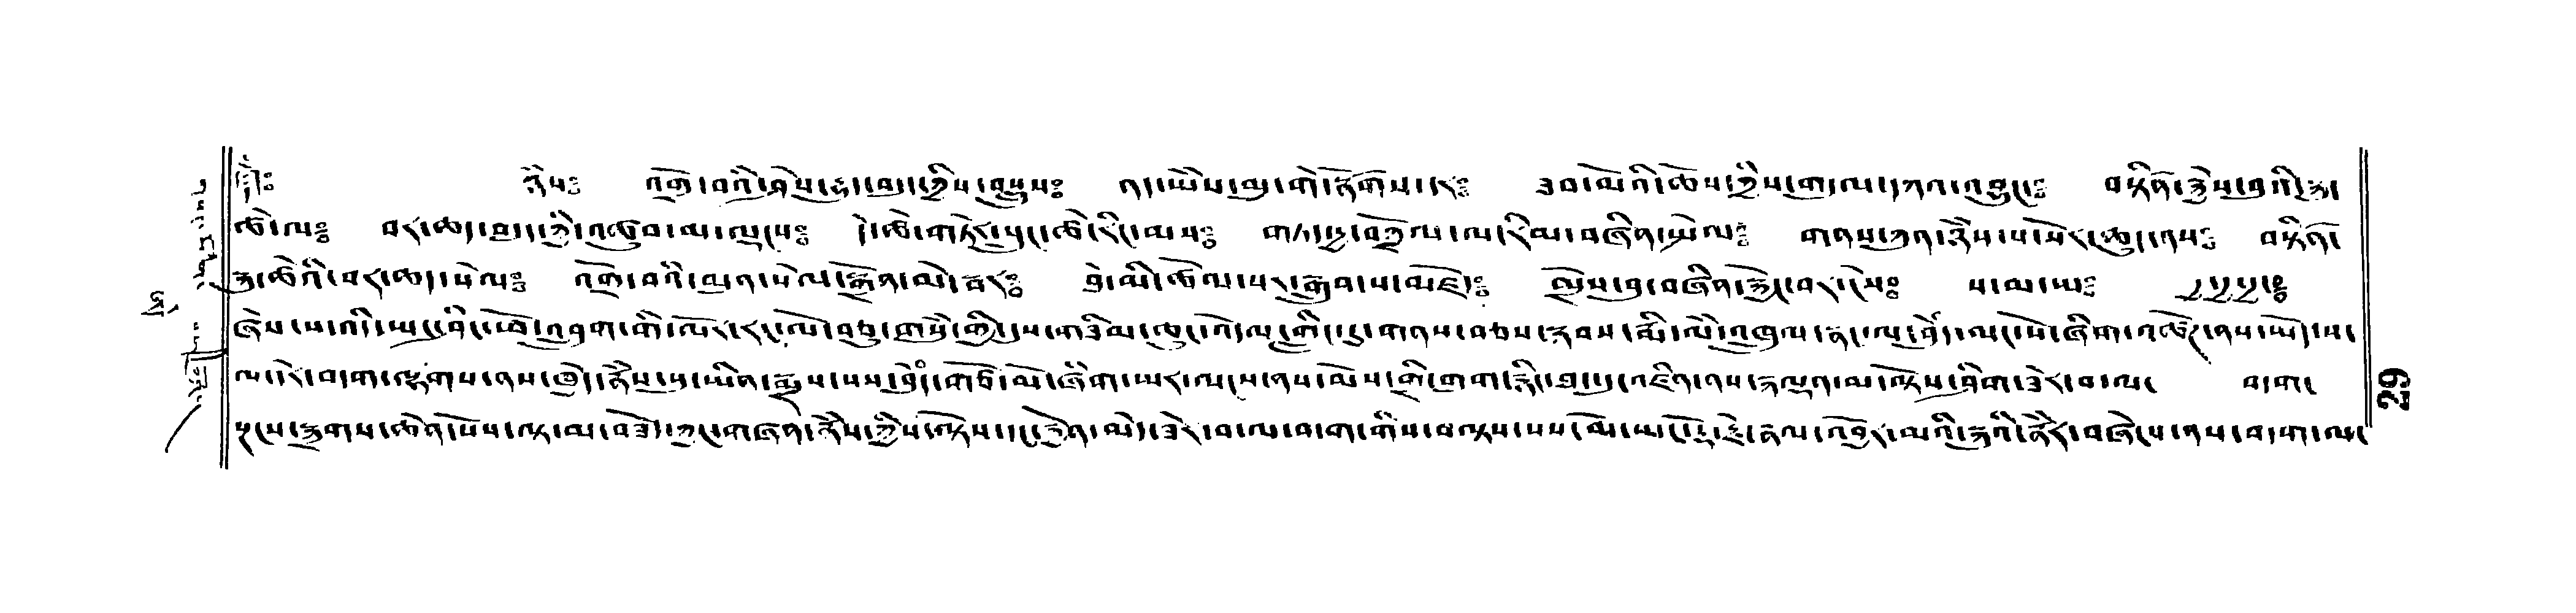ཉམས༔ འགྲོ་བའི་ཤེས་རྒྱུད་བདུད་ཀྱིས་བསླུས༔ ནད་ཡམས་མུ་གེ་སྣ་ཚོགས་དར༔ ཟབ་མོའི་ཆོས་ཀྱིས་གདུལ་དཀའ་འབྱུང༔ བསྟན་འཛིན་སྐྱེས་བུའི་སྐུ་
ཚེ་ལ༔ བར་ཆད་བདུད་ཀྱི་འཚུབ་མ་ལྡང༔ དེ་ཚེ་གཏེར་སྲུང་ཚེ་རིང་མས༔ གཏད་རྒྱ་བཀྲོལ་ལ་རིམ་བཞིན་སྤེལ༔ གནས་ཀུན་ཉམས་པ་སོར་ཆུད་ནས༔ བསྟན་འཛིན་
སྐུ་ཚེའི་བར་ཆད་སེལ༔ འགྲོ་བའི་མུན་སེལ་སྒྲོན་མེ་སྦར༔ ཐེ་མི་ཚོམ་པར་སྒྲུབ་པ་མཛོད༔ མཁའ་འགྲོས་བུ་བཞིན་སྐྱོང་བར་ངེས༔ ས་མ་ཡ༔ རྒྱ་རྒྱ་རྒྱ༔ 
ཞེས་པ་འདི་ཡང་ཤིང་ཕོ་འབྲུག་གི་ལོར་རང་ལོ་བཅུ་གསུམ་གྱི་དུས་གཟིམ་ཆུང་འོད་གསལ་གླིང་དུ་གནས་བཅས་སྐབས་རྨི་ལམ་འཁྲུལ་སྣང་ལ་བུད་མེད་མང་པོ་ཞིག་འཚོགས་ནས་ཡོད་པ་
ལ་དེར་བདག་ལྷགས་ནས་ཁྱེད་རྣམས་སུ་ཡིན་སྨྲས་པས་བུད་མེད་གཙོ་མོ་ཞིག་ཡར་ལངས་ནས་མོས་གྲི་གུག་སྙིང་ཐད་དུ་འཛིན་ནས་སྐལ་ལྡན་མ་ལྟོས་ཤིག་ཟེར་བ་ལ། བདག་
སྔངས་སྐྲག་ཆེན་པོས་ལྟ་མ་བཟོད་ཀྱང་གཞན་རྣམས་ཀྱིས་ལྟོས་དང་སྐྱོན་མེད་ཟེར་བ་ལ་བདག་གིས་བལྟས་པས་མོ་ཡང་རྡོ་རྗེ་རྣལ་འབྱོར་མའི་སྐུའི་རྣམ་པར་བཞེངས་ནས་བདག་ལ་